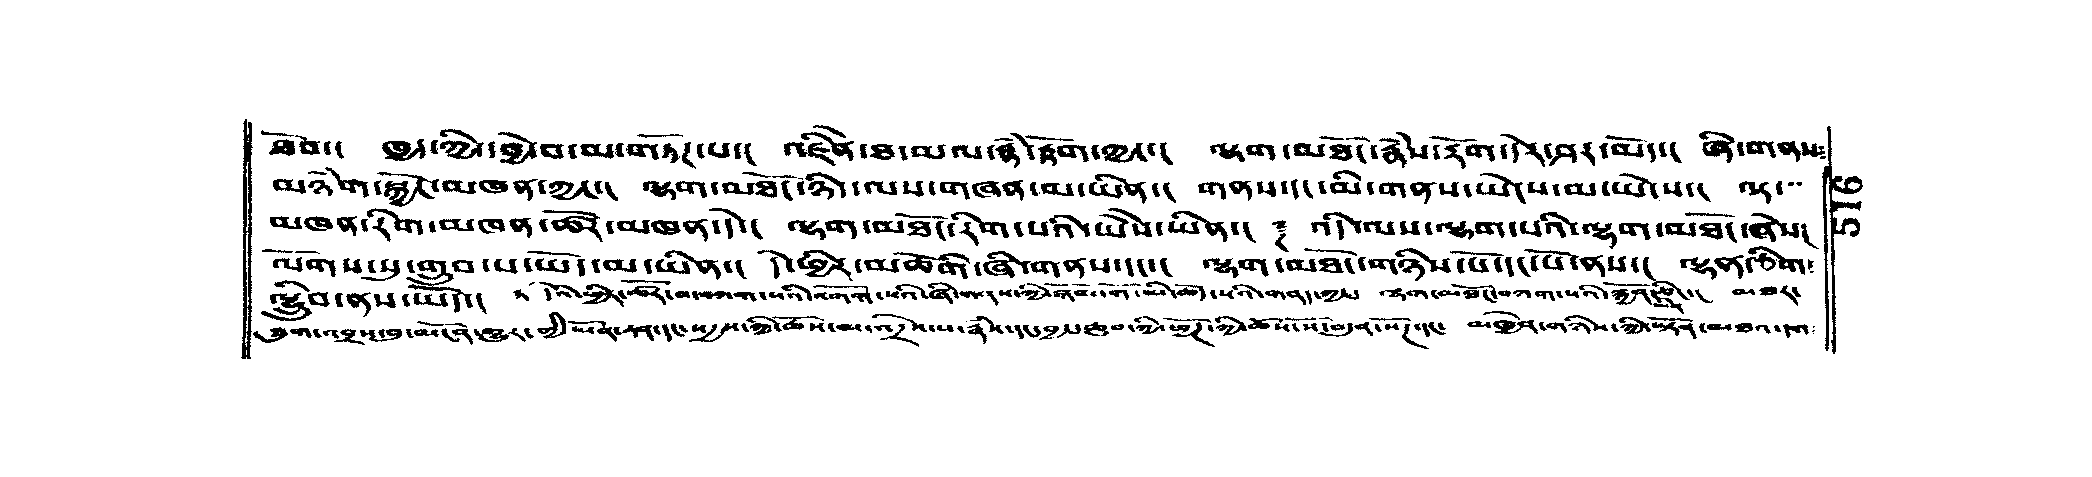ཐོབ། །ཁྱད་ཀྱི་དབྱེ་བ་མ་གཏོགས་པ། །འཇིག་རྟེན་ཐ་མལ་རྣམ་རྟོག་ཀྱང་། །ལྷག་མཐོང་རྣམ་རྟོག་དེར་ཤར་མོད། །ཞི་གནས་
མཉམ་བཞག་སྐྱོང་མཁན་ཀྱང་། །ལྷག་མཐོང་ཉིད་ལས་གཞན་མ་ཡིན། །གནས་དང་མི་གནས་ཡེངས་མ་ཡེངས། །ལྟ་
མཁན་རིག་མཁན་ཚོར་མཁན་དེ། །ལྷག་མཐོང་རིག་པའི་ཡེ་ཤེས་ཡིན། ༈ འདི་ལས་ལྷག་པའི་ལྷག་མཐོང་ཞེས། །
ལོགས་སུ་གྲུབ་པ་ཡོད་མ་ཡིན། །དེ་ཕྱིར་མཆོག་གི་ཞི་གནས་དང་། །ལྷག་མཐོང་གཉིས་པོ་དང་པོ་ནས། །ལྷན་ཅིག་
ལྷུན་གྱིས་གྲུབ་ནས་ཡོད། ༈ དེའི་ཕྱིར་ཚོར་བ་བཀག་པའི་འགོག་པའི་ཞི་གནས་ཀྱི་སྒོམ་གོ་མི་ཆོད་པའི་གནད་ཀྱང་། ལྷག་མཐོང་བཀག་པའི་སྐྱོན་ཡིན་ཅིང་། མཐར་
ཐུག་འབྲས་བུ་མངོན་གྱུར་གྱི་ཡོན་ཏན་དང་སངས་རྒྱས་ཀྱི་ཆོས་མ་འདྲེས་པ་རྣམས་དང་བྱང་ཆུབ་ཀྱི་ཕྱོགས་ཀྱི་ཆོས་སོ་བདུན་སོགས་དང་། མཁྱེན་གཉིས་ཀྱི་ཡོན་ཏན་མཐའ་དག་